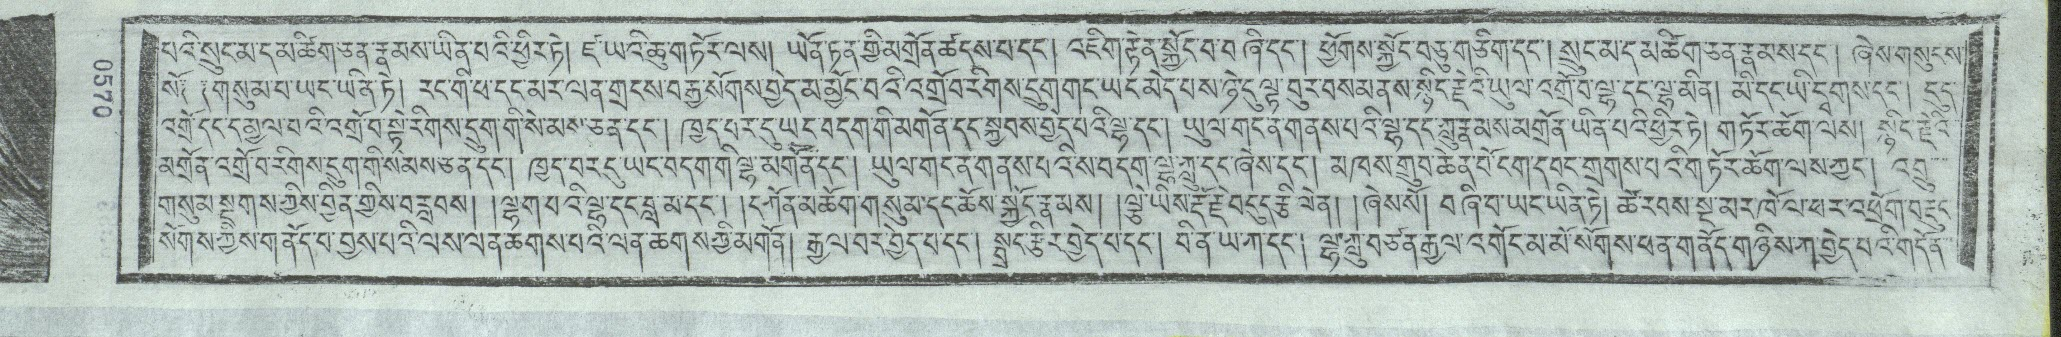པའི་སྲུང་མ་དམ་ཚིག་ཅན་རྣམས་ཡིན་པའི་ཕྱིར་ཏེ། ཛ་ཡའི་ཆུག་ཉར་ལས། ཡོན་ཏན་གྱི་མགྲོན་ཚདས་པ་དང་། འཇིག་རྟེན་སྐོང་བ་བཞི་དང་། ཕྱོགས་སྐྱོང་བཅུ་གཅིག་དང་། སྲུང་མ་དམ་ཚིག་ཅན་རྣམས་དང་། ཞེས་གསུངས་
སོ༑ ༑གསུམ་པ་ཡང་ཡིན་ཏེ། རང་གི་ཕ་དང་མར་ལན་གྲངས་བརྒྱ་སོགས་བྱེད་མ་མྱོང་བའི་གྲོ་བ་རིགས་དྲུག་གང་ཡང་མེད་པས་ཉེ་དུ་ལྟ་བུར་བསམ་ནས་སྙིང་རྗེའི་ཡུལ། གྲོ་བ་ལྷ་དང་ལྷ་མིན། མི་དང་ཡི་དྭགས་དང་། དུད་
འགྲོ་དང་དམྱལ་བའི་འགྲོ་བ་སྟེ་རིགས་དྲུག་གི་སེམས་ཅན་དང་། ཁྱད་པར་དུ་ཡང་བདག་གི་མགོན་དང་སྐྱབས་བྱེད་པའི་ལྷ་དང་། ཡུལ་གང་ན་གནས་པའི་ལྷ་དང་ཀླུ་རྣམས་མགྲོན་ཡིན་པའི་ཕྱིར་ཏེ། གཏོར་ཆོག་ལས། སྙིང་རྗེའི་
མགྲོན་འགྲོ་བ་རིགས་དྲུག་གི་སེམས་ཅན་དང་། ཁྱད་པར་དུ་ཡང་བདག་གི་ལྷ་མགོན་དང་། ཡུལ་གང་ན་གནས་པའི་ས་བདག་ལྷ་ཀླུ་དང་ཞེས་དང་། མཁས་གྲུབ་ཆེན་པོ་ངག་དབང་གྲགས་པའི་གཏོར་ཆོག་ལས་ཀྱང་། འབྲུ་
གསུམ་སྔགས་ཀྱིས་བྱིན་གྱིས་བརླབས། །ལྷག་པའི་ལྷ་དང་བླ་མ་དང་། །དཀོན་མཆོག་གསུམ་དང་ཆོས་སྐྱོང་རྣམས། །ལྕེ་ཡིས་རྡོ་རྗེ་བདུད་རྩི་ལེན། །ཞེས་སོ། བཞི་པ་ཡང་ཡིན་ཏེ། ཚེ་རབས་སྔ་མར་ཁོ་ལ་ཕར་འཕྲོག་བརྡུང་
སོགས་ཀྱིས་གནོད་པ་བྱས་པའི་ལས་ལན་ཆགས་པའི་ལན་ཆགས་ཀྱི་མགོན། རྒྱལ་བར་བྱེད་པ་དང་། སྦྲང་རྩིར་བྱེད་པ་དང་། བི་ན་ཡ་ཀ་དང་། ལྷ་ཀླུ་བཙན་རྒྱལ་འགོང་མ་མོ་སོགས་ཕན་གནོད་གཉིས་ཀ་བྱེད་པའི་གདོན་